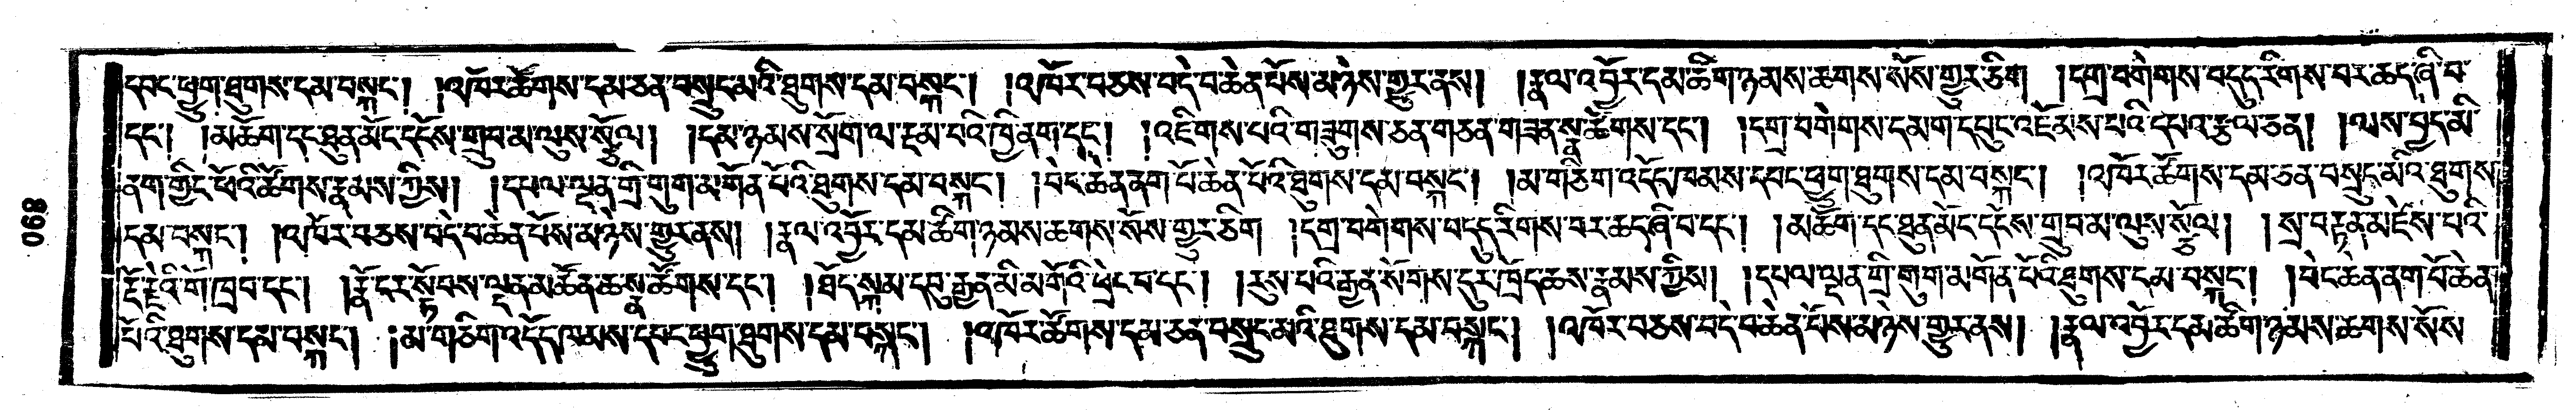དབང་ཕྱུག་ཐུགས་དམ་བསྐད། །འཁོར་ཚོགས་དམ་ཅན་བསྲུང་མའི་ཐུགས་དམ་བསྐད། །འཁོར་བཅས་བདེ་བ་ཆེན་པོས་མཉེས་གྱུར་ནས། །རྣལ་འགྱུར་དམ་ཚིག་ཉམས་ཆགས་སོ་སྒྱུར་ཅིག། །དགྲ་བགེགས་བདུད་རྟིགས་བར་ཆད་ཞི་བ་
དང་། །མཆོག་དང་ཐུན་མོང་དངོས་གྲུབ་མ་ལུས་སྩོལ། །དམ་ཉམས་སྲོག་ལ་རྔམ་པའི་ཁྱི་ནག་དང་། །འཇིགས་པའི་གཟུགས་ཅན་གཅན་གཟན་སྣ་ཚོགས་དང་། །དགྲ་བགེགས་དམག་དཔུང་འཇོམས་པའི་དཔལ་རྩལ་ཅན། །ལས་བྱེད་མི་
ནག་གྱིང་ཕོའི་ཚོགས་རྣམས་ཀྱིས། །དཔལ་ལྡན་གྲི་གུག་མགོན་པོའི་ཐུགས་དམ་བསྐད། །བདེ་ཆེན་ནག་པོ་ཆེན་པོའི་ཐུགས་དམ་བསྐད། །མ་གཅིག་འདོད་ཁམས་དབང་ཕྱུག་ཐུགས་དམ་བསྐད། །འཁོར་ཚོགས་དམ་ཅན་བསྲུང་མིའི་ཐུགས་
དམ་བསྐད། །འཁོར་བཅས་བདེ་ཆེན་པོས་མཉེས་གྱུར་ནས། །རྣལ་འབྱོར་དམ་ཚིག་ཉམས་ཆགས་སོས་གྱུར་ཅིག །དགྲ་བགེགས་དུད་རིགས་པར་ཆད་ཞི་བ་དང་། །མཆོག་དང་ཐུན་མོང་དངོས་གྲུབ་མ་ལུས་སྩོལ། །སྲ་རྟན་མཛེས་པའི་
རྡོ་རྗེའི་གོ་ཁྲབ་དང་། །རྣོ་ངར་སྟོབས་ལྡན་མཚོན་ཆ་སྣ་ཚོགས་དང་། །ཐོད་སྐམ་དབུ་རྒྱན་མི་མགོའི་ཕྲེང་བ་དང་། །རུས་པའི་རྒྱན་སོགས་དུར་ཁྲོད་ཆས་རྣམས་ཀྱིས། །དཔལ་ལྡན་གྱི་གུག་མགོན་པོའི་ཐུགས་དམ་བསྐད། །བདེ་ཆེན་ནག་པོ་ཆེན་
པོའི་ཐུགས་དམ་བསྐད། །མ་གཅིག་འདོད་ཁམས་དབང་ཕྱུག་ཐུགས་དམ་བསྐད། །འཁོར་ཚོགས་དམ་ཅན་བསྲུང་མའི་ཐུགས་དམ་བསྐད། །འཁོར་བཅས་བདེ་བ་ཆེན་པོས་མཉེས་གྱུར་ནས། །རྣལ་འབྱོར་དམ་ཚིག་ཉམས་ཆགས་སོགས་